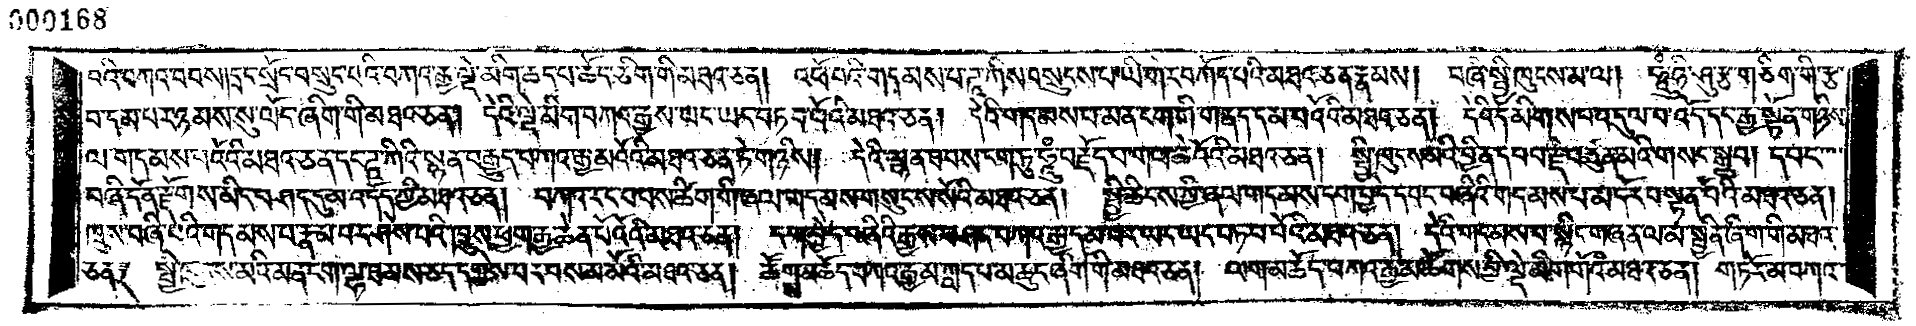བའི་བཀའ་བབས། དྲང་སྲོང་བསྲུང་པའི་བཀའ་རྒྱ་ལྡེ་མིག་ཆད་པ་ཆོད་ཅིག་གི་མཐའ་ཅན། འཕོ་བའི་གདམས་པ་ཌཱ་ཀིས་བསྲུངས་པ་ཡི་གེར་བཀོད་པའི་མཐའ་ཅན་རྣམས། བཞི་སྤྱི་ཁུངས་མ་ལ། ཧཱུཨེ་ཉི་ཤུ་རྩ་གཅིག་གི་རྩ་
བ་དམ་པར་ཉམས་སུ་ལོང་ཞིག་གི་མཐའ་ཅན། དེའི་ལྡེ་མིག་བཀའ་རྒྱས་ཡང་ཡང་བཏབ་པོའི་མཐའ་ཅན། དེའི་གདམས་པ་མན་ངག་གི་གནད་དམ་པའོའི་མཐའ་ཅན། དེའི་དམིགས་པ་འདུལ་བ་འོད་ཞེས་རྒྱ་སྟོན་གཉིས་
ལ་གདམས་པའོའི་མཐའ་ཅན་དང་ཌཱ་ཀིའི་སྙན་བརྒྱུད་བཀའ་རྒྱ་མའོའི་མཐའ་ཅན་ཏེ་གཉིས། དེའི་ལྷན་ཐབས་ངག་ཏུ་ཧཱུཾ་བརྗོད་པ་གལ་ཆེའོའི་མཐའ་ཅན། སྤྱི་ཁུངས་མའི་བྱིན་དབབ་རྗེ་བཙུན་མའི་གསང་སྒྲུབ། དབང་
བཞི་དོན་རྫོགས་མིང་བཤད་དུ་མ་འདོད་ཀྱི་མཐའ་ཅན། བཀའ་རང་བབས་ཚིག་གི་ཞལ་གདམས་གསུངས་སོའི་མཐའ་ཅན། སྤྱི་ཆིངས་ཀྱི་ཞལ་གདམས་ངག་བྱེད་དབང་བཞིའི་གདམས་པ་མདོར་བསྟན་པོའི་མཐའ་ཅན།
ཁྲུས་བཞི་པའི་གདམས་པ་རྣམ་པར་ཤེས་པའི་ཁྲུས་ཕྱག་རྒྱ་ཆེན་པོའི་མཐའ་ཅན། ངག་བྱེད་བཞིའི་རྒྱས་བཤད་བཀའ་རྒྱ་དམ་པར་ཡང་ཡང་བཏབ་པོའི་མཐའ་ཅན། དེའི་གདམས་པ་སྙིང་གཞན་ལ་མ་སྦྱིན་ཞིག་གི་མཐའ་
ཅན༑ སྤྱི་ཁུངས་མའི་མན་ངག་ལྷ་ཐམས་ཅད་དགྱེས་པར་བསམ་མོའི་མཐའ་ཅན། ཚོགས་མཆོད་བཀའ་རྒྱ་མ་ཀླད་པ་མ་ཆུང་ཞིག་གི་མཐའ་ཅན། ལག་མཆོད་བཀའ་རྒྱ་མ་ཚོགས་ཀྱི་ལྡེ་མིག་གོའི་མཐའ་ཅན། གཏོར་མ་བཀའ་